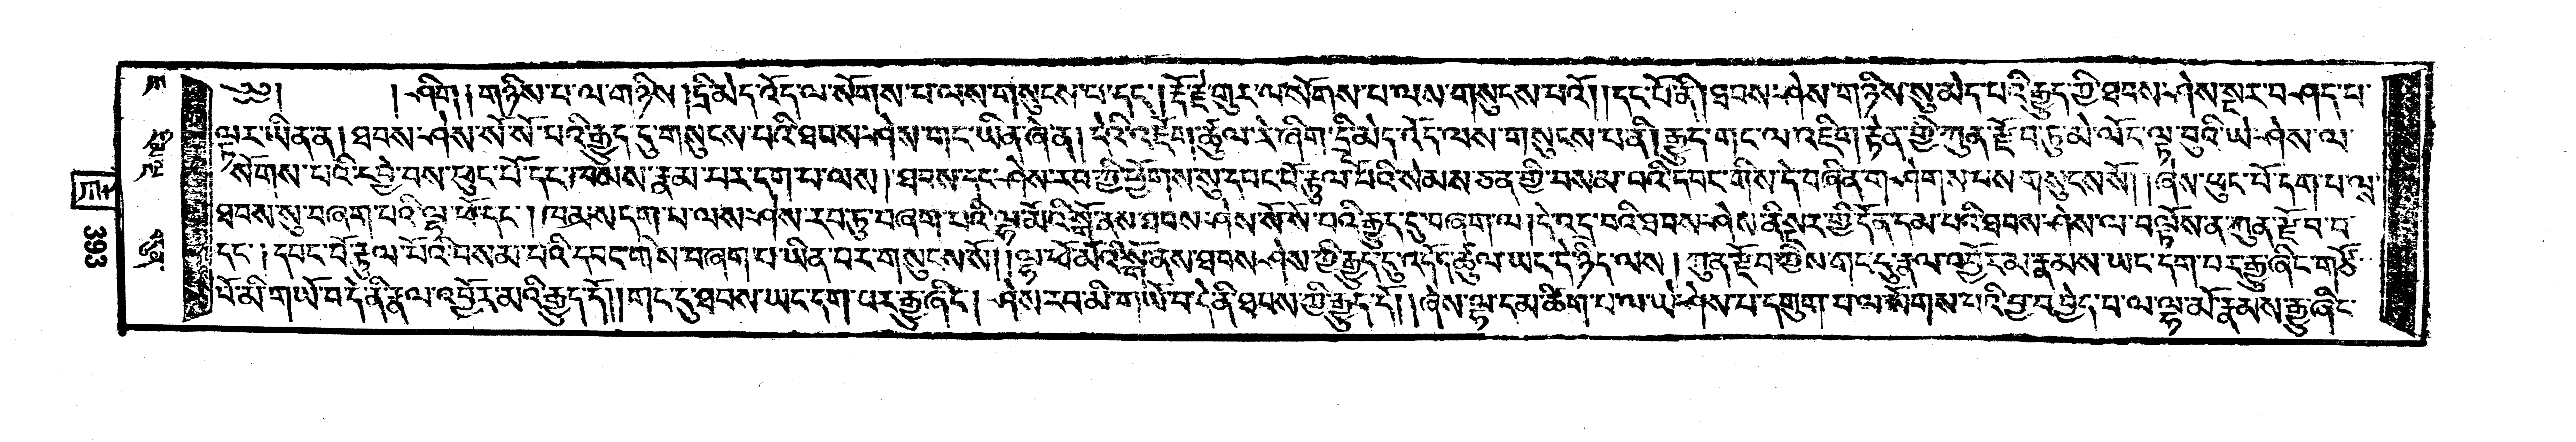༄༅། །ཤིག ༑གཉིས་པ་ལ་གཉིས། དྲི་མེད་འོད་ལ་སོགས་པ་ལས་གསུངས་པ་དང་། རྡོ་རྗེ་གུར་ལ་སོགས་པ་ལས་གསུངས་པའོ། །དང་པོ་ནི། ཐབས་ཤེས་གཉིས་སུ་མེད་པའི་རྒྱུད་ཀྱི་ཐབས་ཤེས་སྔར་བཤད་པ་
ལྟར་ཡིན་ན། ཐབས་ཤེས་སོ་སོ་པའི་རྒྱུད་དུ་གསུངས་པའི་ཐབས་ཤེས་གང་ཡིན་ཞེ་ན། དེའི་འཇོག་ཚུལ་རེ་ཞིག་དྲི་མེད་འོད་ལས་གསུངས་པ་ནི། རྒྱུད་གང་ལ་འཇིག་རྟེན་གྱི་ཀུན་རྫོབ་ཏུ་མེ་ལོང་ལྟ་བུའི་ཡེ་ཤེས་ལ་
སོགས་པའི་དབྱེ་བས་ཕུང་པོ་དང་ཁམས་རྣམ་པར་དག་པ་ལས། ཐབས་དང་ཤེས་རབ་ཀྱི་ཕྱོགས་སུ་དབང་པོ་རྟུལ་པོའི་སེམས་ཅན་གྱི་བསམ་པའི་དབང་གིས་དེ་བཞིན་གཤེགས་པས་གསུངས་སོ། །ཞེས་ཕུང་པོ་དག་པ་ལས་
ཐབས་སུ་བཞག་པའི་ལྷ་ཕོ་དང་། ཁམས་དག་པ་ལས་ཤེས་རབ་ཏུ་བཞག་པའི་ལྷ་མོའི་སྒོ་ནས་ཐབས་ཤེས་སོ་སོ་བའི་རྒྱུད་དུ་བཞག་ལ། དེ་འདྲ་བའི་ཐབས་ཤེས་ནི་སྔར་གྱི་དོན་དམ་པའི་ཐབས་ཤེས་ལ་བལྟོས་ན་ཀུན་རྫོབ་པ་
དང་།དབང་པོ་རྟུལ་པོའི་བསམ་པའི་དབང་གིས་བཞག་པ་ཡིན་པར་གསུངས་སོ། །ལྷ་ཕོ་མོའི་སྒོ་ནས་ཐབས་ཤེས་ཀྱི་རྒྱུད་དུ་འདོད་ཚུལ་ཡང་དེ་ཉིད་ལས། ཀུན་རྫོབ་ཀྱིས་གང་དུ་རྣལ་འབྱོར་མ་རྣམས་ཡང་དག་པར་རྒྱུ་ཞིང་གཙོ་
བོ་མི་གཡོ་བ་དེ་ནི་རྣལ་འབྱོར་མའི་རྒྱུད་དོ། །གང་དུ་ཐབས་ཡང་དག་པར་རྒྱུ་ཞིང་། ཤེས་རབ་མི་གཡོ་བ་དེ་ནི་ཐབས་ཀྱི་རྒྱུད་དོ། །ཞེས་ལྷ་དམ་ཚིག་པ་ལ་ཡེ་ཤེས་པ་དགུག་པ་ལ་སོགས་པའི་བྱ་བ་བྱེད་པ་ལ་ལྷ་མོ་རྣམས་རྒྱུ་ཞིང་